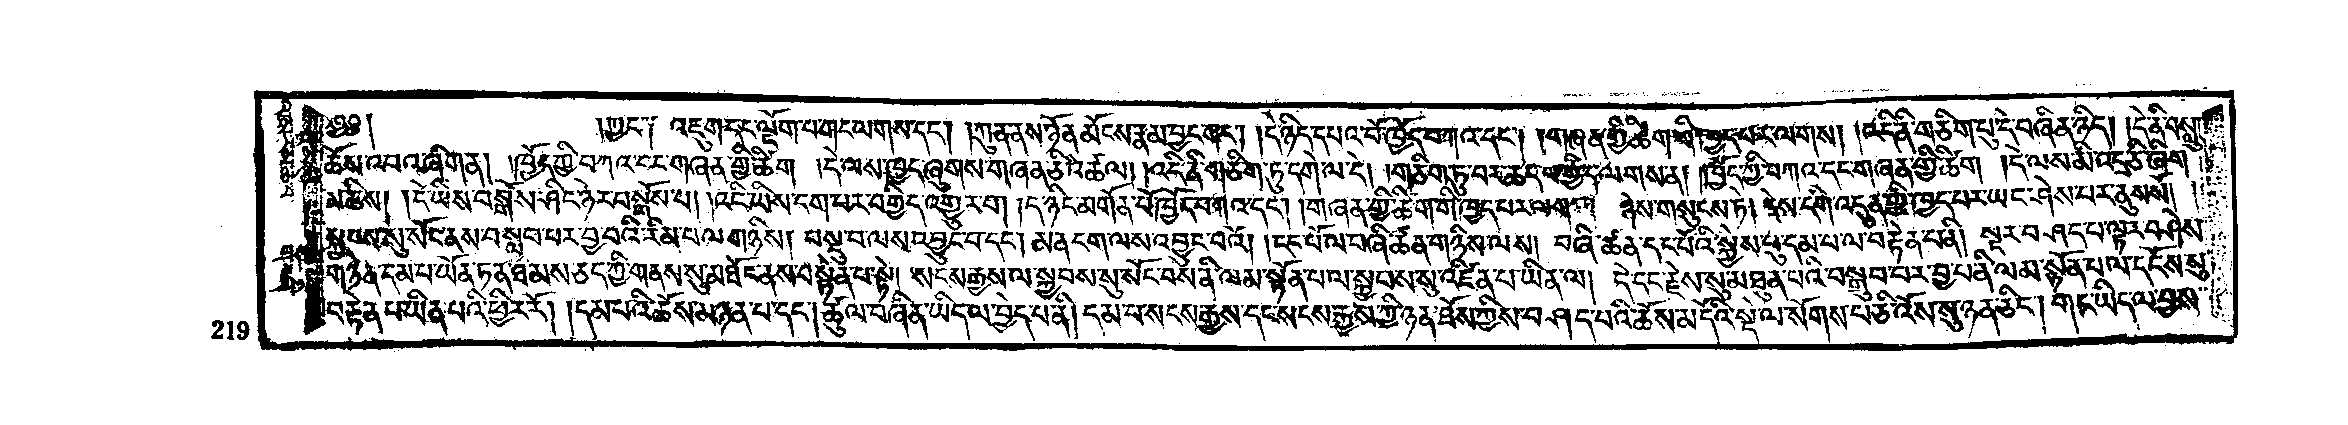༄༅། །ཀྱང༑ འཇུག་དང་ལྡོག་པ་གང་ལགས་དང་། །ཀུན་ནས་ཉོན་མོངས་རྣམ་བྱང་གང་། །དེ་ཉིད་དཔའ་བོ་ཁྱོད་བཀའ་དང་། །གཞན་གྱི་ཚིག་གི་ཁྱད་པར་ལགས། །འདི་ནི་གཅིག་པུ་དེ་བཞིན་ཉིད། །དེ་ནི་བསླུ་
ཆོས་འབའ་ཞིག་ན། །ཁྱོད་ཀྱི་བཀའ་དང་གཞན་གྱི་ཚིག །དེ་ལས་ཁྱད་ཞུགས་གཞན་ཅི་འཚལ། །འདི་ནི་གཅིག་ཏུ་དགེ་ལ་དེ། །གཅིག་ཏུ་བར་ཆད་བགྱིད་ལགས་ན། །ཁྱོད་ཀྱི་བཀའ་དང་གཞན་གྱི་ཚིག །དེ་ལས་མི་འདྲ་ཅི་ཞིག་
མཆིས། །དེ་ཡིས་བསྒོས་ཤིང་ཉེར་བསྒོས་པ། །འདི་ཡིས་དག་པར་བགྱིད་འགྱུར་བ། །དེ་ཉིད་མགོན་པོ་ཁྱོད་བཀའ་དང་། །གཞན་གྱི་ཚིག་གི་ཁྱད་པར་ལགས། །ཞེས་གསུངས་ཏེ། དེས་དགེ་འདུན་གྱི་ཁྱད་པར་ཡང་ཤེས་པར་ནུས་སོ། །
སྐྱབས་སུ་སོང་ནས་བསླབ་པར་བྱ་བའི་རིམ་པ་ལ་གཉིས། བསྡུ་བ་ལས་འབྱུང་བ་དང་། མན་ངག་ལས་འབྱུང་བའོ། །དང་པོ་ལ་བཞི་ཚན་གཉིས་ལས། བཞི་ཚན་དང་པོའི་སྐྱེས་བུ་དམ་པ་ལ་བརྟེན་པ་ནི། སྔར་བཤད་པ་ལྟར་བཤེས་
གཉེན་དམ་པ་ཡོན་ཏན་ཐམས་ཅད་ཀྱི་གནས་སུ་མཐོང་ནས་བསྟེན་པ་སྟེ། སངས་རྒྱས་ལ་སྐྱབས་སུ་སོང་བས་ནི་ལམ་སྟོན་པ་ལ་སྐྱབས་སུ་འཛིན་པ་ཡིན་ལ། དེ་དང་རྗེས་སུ་མཐུན་པའི་བསྒྲུབ་པར་བྱ་བ་ནི་ལམ་སྟོན་པ་ལ་དངོས་སུ་
བརྟེན་པ་ཡིན་པའི་ཕྱིར་རོ། །དམ་པའི་ཆོས་མཉན་པ་དང་། ཚུལ་བཞིན་ཡིད་ལ་བྱེད་པ་ནི། དམ་པ་སངས་རྒྱས་དང་སངས་རྒྱས་ཀྱི་ཉན་ཐོས་ཀྱིས་བཤད་པའི་ཆོས་མདོའི་སྡེ་ལ་སོགས་པ་ཅི་འོས་སུ་ཉན་ཅིང་། གང་ཡིད་ལ་བྱས་